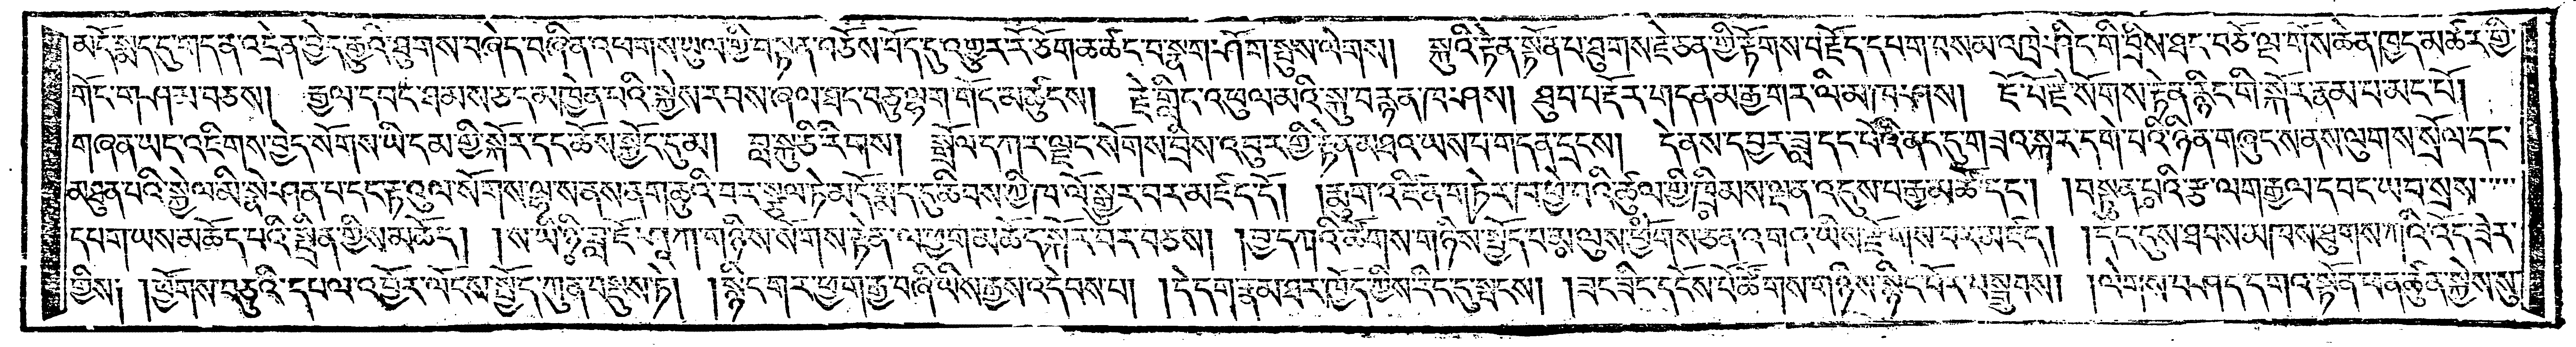མདོ་སྨད་དུ་གདན་འདྲེན་བྱེད་རྒྱུའི་ཐུགས་བཞེད་བཞིན་འཕགས་ཡུལ་གྱི་བསྟན་བཅོས་བོད་དུ་འགྱུར་རོ་ཅོག་ཆ་ཚང་བ་སྣག་ཤོག་སྤུས་ལེགས། སྐུའི་རྟེན་སྟོན་པ་ཐུགས་རྗེ་ཅན་གྱི་རྟོགས་བརྗོད་དཔག་བསམ་འཁྲི་ཤིང་གི་བྲིས་ཐང་བཅོ་ལྔ་གོས་ཆེན་ཁྱད་མཚར་གྱི་
གོང་གཤམ་བཅས། རྒྱལ་དབང་ཐམས་ཅད་མཁྱེན་པའི་སྐྱེས་རབས་ཞལ་ཐང་བཅུ་ལྷག་གོང་མཚུངས། རྗེ་གླིང་འཕུལ་མའི་སྐུ་བརྙན་ཁ་ཤས། ཐུབ་པ་རྡོར་གདན་མ་རྒྱ་གར་ལི་མཁ་ཤས། ཇོ་བོ་རྗེ་སོགས་རྟེན་རྙིང་གི་སྐོར་རྣམ་པ་མང་པོ།
གཞན་ཡང་འཇིགས་བྱེད་སོགས་ཡི་དམ་གྱི་སྐོར་དང་ཆོས་སྐྱོང་དུ་མ། བླ་སྐུ་ཅི་རིགས། སྒྲོལ་དཀར་ལྗང་སོགས་བྲིས་འབུར་གྱི་རྟེན་མཐའ་ཡས་པ་གདན་དྲངས། དེ་ནས་དཔྱིད་ཟླ་དང་པོའི་ནང་དུ་གཟའ་སྐར་དགེ་བའི་ཉིན་གཞུང་ས་ནས་ལུགས་སྲོལ་དང་
མཐུན་པའི་སྐྱེལ་མི་སྣེ་ཤན་པ་དང་རྟ་འུལ་སོགས་ལྷ་ས་ནས་ནག་ཆུའི་བར་སྩལ་ཏེ་མདོ་སྨད་དུ་ཆིབས་ཀྱི་ཁ་ལོ་སྒྱུར་བར་མཛད་དོ། །རྨུག་འཛིན་གཏེར་ཁ་ཕྱེ་བའི་ཚུལ་གྱི་ཁྲིམས྾་ལྡན་འདུས་པ་རྒྱ་མཚོ་དང་། །བསྟན྾་པའི྾་རྩ་ལག་རྒྱལ་དབང་ཡབ་སྲས་
དཔག་ཡས་མཆོད་པའི་སྤྲིན་གྱིས་མཆོད། །ས་ཡི་ཉིཾ་ཟླ་ཇོ་ཤཱཀ་གཉིས་སོགས་རྟེན་ལ་ཕྱག་མཆོད་སྐོར་བར་བཅས། །བྱ་དཀའི་ཚོགས་གཉིས་སྤྱོད་པ་མ྾་ལུས་ཕྱོགས་ཅན་འགའ་ཡིས་རྫོགས་པར་མཛད། །དེང་དུས་ཐབས་མཁས་ཐུགས་ཀའི་འོད་ཟེར་
གྱིས༑ །ཕྱོགས་བཅུའི་དཔལ་འབྱོར་ལོངས་སྤྱོད་ཀུན་བསྡུས་ཏེ། །སྙིང་གར་ཕྱག་རྒྱ་བཞི་ཡིས་རྒྱས་འདེབས་པ། །དེ་དག་རྣམ་ཐར་ཁྱོད་ཀྱིས་རིང་དུ་སྤངས། །ཟང་ཟིང་དངོས་པོ་ཚོགས་གཉིས་སྙིང་པོར་བསྒྲུབས། །ལེགས་བཤད་དགའ་སྟོན་ཕན་ཚུན་སྐྱེས་སུ་